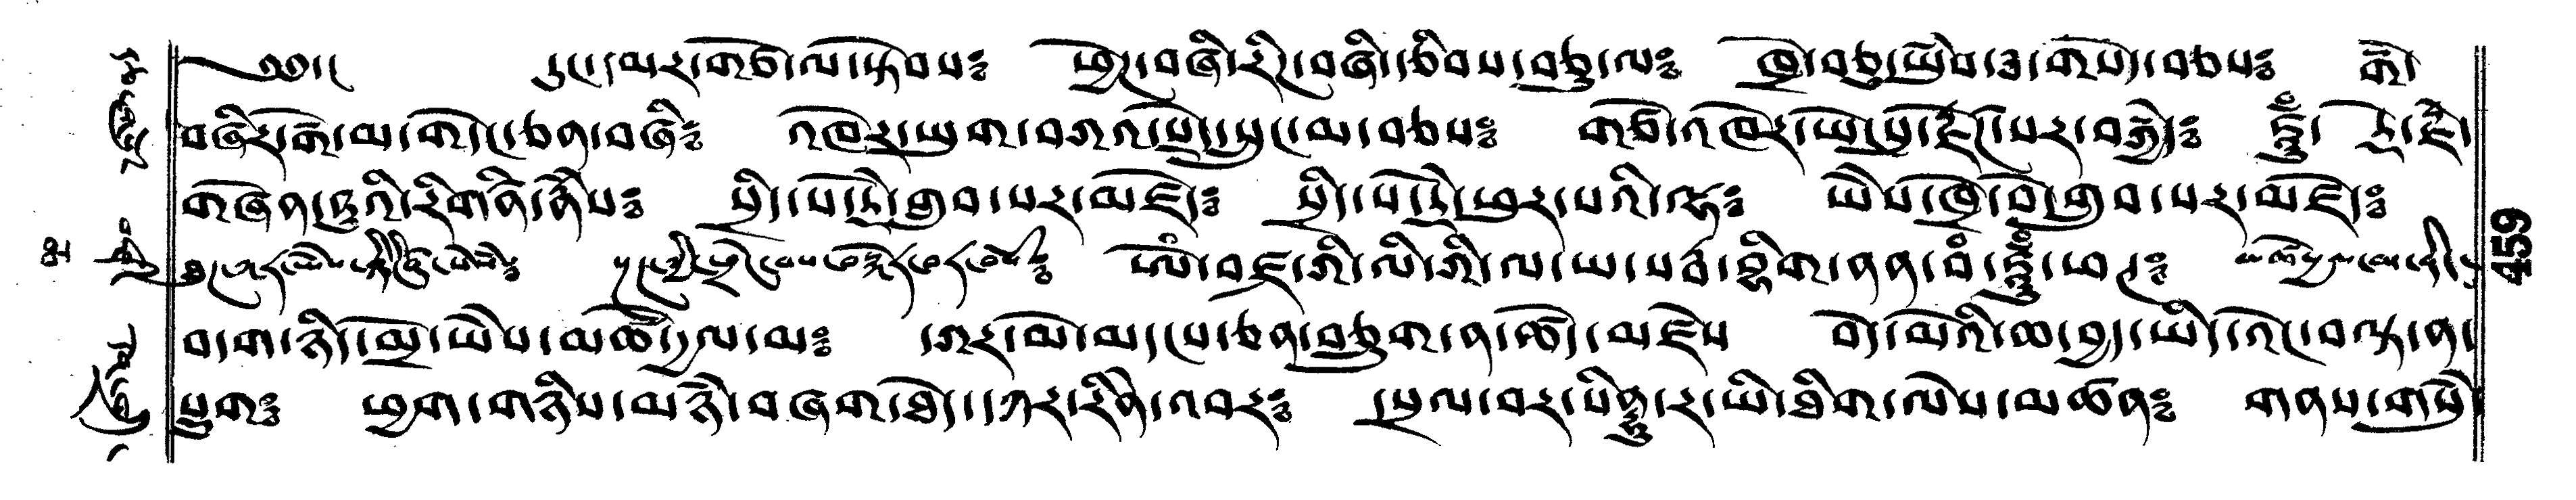དུང་དམར་གཙོ་ལ་སྟོབ༔ ཕྱོགས་བཞིར་རིགས་བཞི་རྩིབས་བཅུ་ལ༔ ཁྲོ་བཅུ་ཡབ་ཡུམ་ཟ་གསོད་བཅས༔ སྒོ་
བཞིར་སྒོ་མ་གདོང་ཅན་བཞི༔ འཁོར་ཡུག་བཀའ་སྡོད་སྲུང་མ་བཅས༔ གཙོ་འཁོར་ཡོངས་སུ་རྫོགས་པར་བསྐྱེད༔ ཧཱུྃ༔ རྡོ་རྗེ་
གཞོན་ནུའི་རིག་འཛིན་རྣམས༔ སྲིད་པ་རྡོ་རྗེ་འགྲུབ་པར་མཛོད༔ སྲིད་པ་རྡོ་རྗེ་ཕུར་པའི་ལྷ༔ ཡེ་ཤེས་ཁྲོ་བོ་འགྲུབ་པར་མཛོད༔ 
ཐུགས་ཀར་ཡེ་ཤེས་ཏིང་འཛིན་སེམས། །སྔགས་ཀྱི་ཕྲེང་བས་བསྐོར་བར་བསམ། ཨོཾ་བཛྲ་ཀི་ལི་ཀི་ལ་ཡ་སརྦ་བིགྣན་བྃ་ཧཱུྃ་ཕཊ༔ མཚོ་རྒྱལ་མ་ནི། 
བདག་ཉིད་མཁའ་འགྲོ་ཡེ་ཤེས་མཚོ་རྒྱལ་མ༔ དཀར་མོ་མདངས་ཅན་བཅུ་དྲུག་ན་ཚོད་མཛེས༔ བོད་མོའི་ཆ་བྱད་ཡིད་འོང་བལྟ་ན་
སྡུག༔ ཕྱག་གཉིས་མཉམ་བཞག་ཐོད་དཀར་རིན་ཆེན་འབར༔ དཔྲལ་བར་སིནྡྷུ་ར་ཡི་ཐིག་ལེས་མཚན༔ གནས་གསུམ་